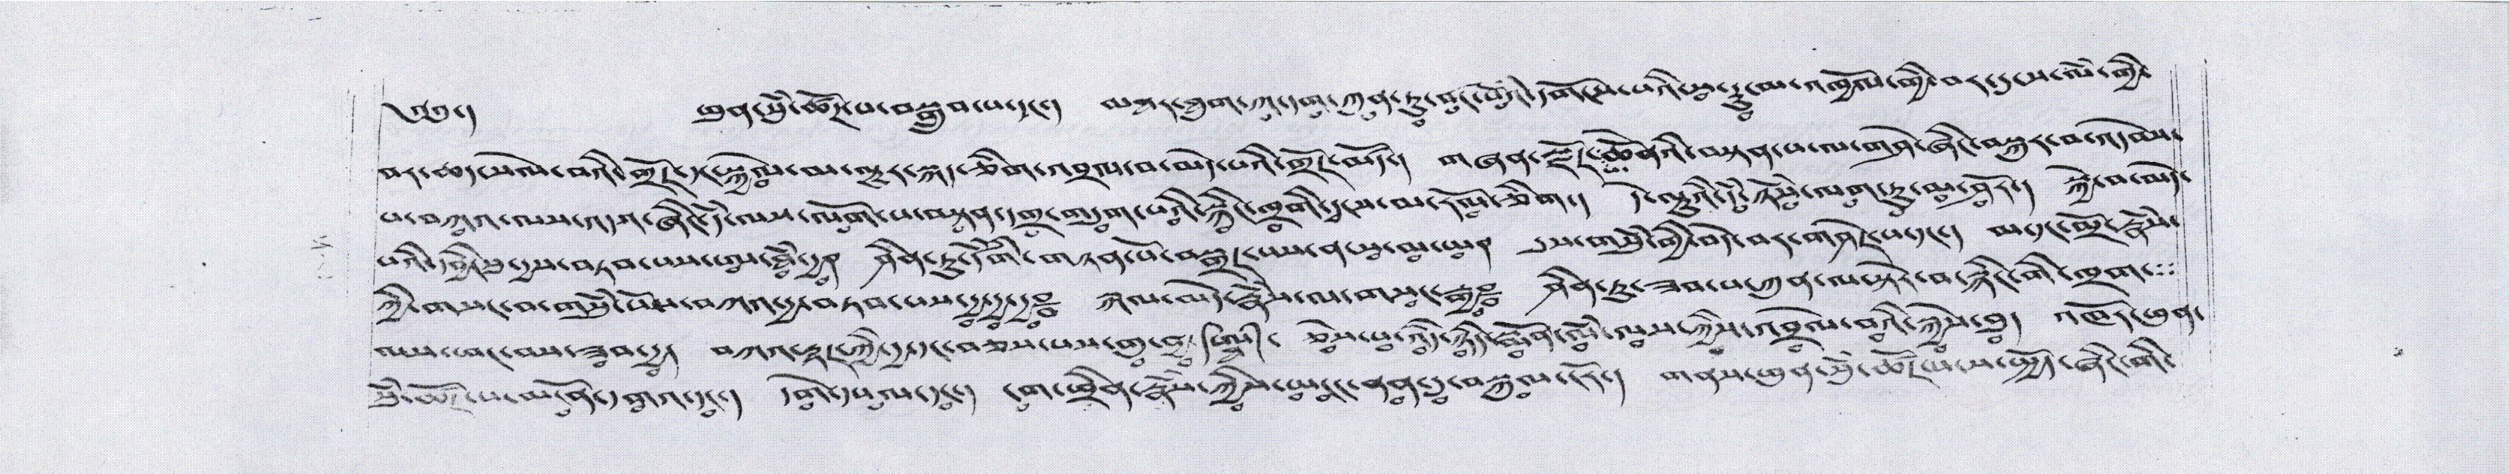ཕུན་སུམ་ཚོགས་པ་བསྒྲུབ་པ་དང་། མཐར་ཐུག་ཀ་དག་ཀུན་ཏུ་བཟང་པོའི་དགོངས་པའི་ས་རུ་མ་འཁྱོལ་གྱི་བར་དུ་ས་ལམ་གྱི་
བར་ཆད་སེལ་བའི་གྲོགས་དང་སྐྱེལ་མ་ལྟ་བུར་སྐད་ཅིག་འབྲལ་བ་མེད་པའི་གྲོགས་མཛོད། གཞན་རྫོགས་པ་ཆེན་པོའི་བསྟན་པ་ལ་གཤེ་ཞིང་བསྐུར་པ་འདེབས་
པ་བཀའ་ལས་འདའ་ཞིང་དམ་ལས་ལོག་པ་བསྟན་དགྲ་གདུག་པའི་སྙིང་ཁྲག་གི་དང་མ་རོལ་ཅིག དེ་ལྟ་བུའི་དམ་ཉམས་ལག་ཏུ་མ་ཤོར། སྐྱེ་བ་མེད་
པའི་དབྱིངས་སུ་རྒྱས་གདབ་པས་ཨ་ཐཾ་རྒྱ། ཤིན་ཏུ་དམ་ཚིག་གཉན་པོ་བསྒྲགས་པས་ན་ས་མ་ཡ། དུས་གསུམ་གྱི་བདེ་བར་གཤེགས་པ་དང་། མ་དང་མཁའ་འགྲོ་རྣམས་
ཀྱི་གསང་བ་གསུམ་པོས་བཀའ་རྒྱ་བཏབ་པས་རྒྱ་རྒྱཿ སྐལ་མེད་རྣམས་ལ་གསང་རྒྱཿ ཤིན་ཏུ་ཟབ་པ་ཀུན་ལ་སྟེར་བ་སྙིང་གི་ཁྲག་
ལས་ཕང་བས་ཟབ་རྒྱ། བཀའ་རྟགས་ཀྱི་རྒྱ་དང་བཅས་པས་གུ་ཧྱ།༼ཨྠ༽། ཅེས་པ་འདི་ཉིད་སྨོན་ལམ་ལས་ཀྱིས་འབྲེལ་བའི་སྐྱེས་བུ། འཁོར་ཕུན་
སུམ་ཚོགས་པ་མངོན་དགའ་དང་། དགེ་དཔལ་དང་། ངག་འཕྲིན་རྣམས་ཀྱིས་ཡང་ཡང་ནན་དུ་བསྐུལ་ངོར། གནས་ཕུན་སུམ་ཚོགས་པ་ས་སྤྱོད་ཀྱི་ཞིང་གི་